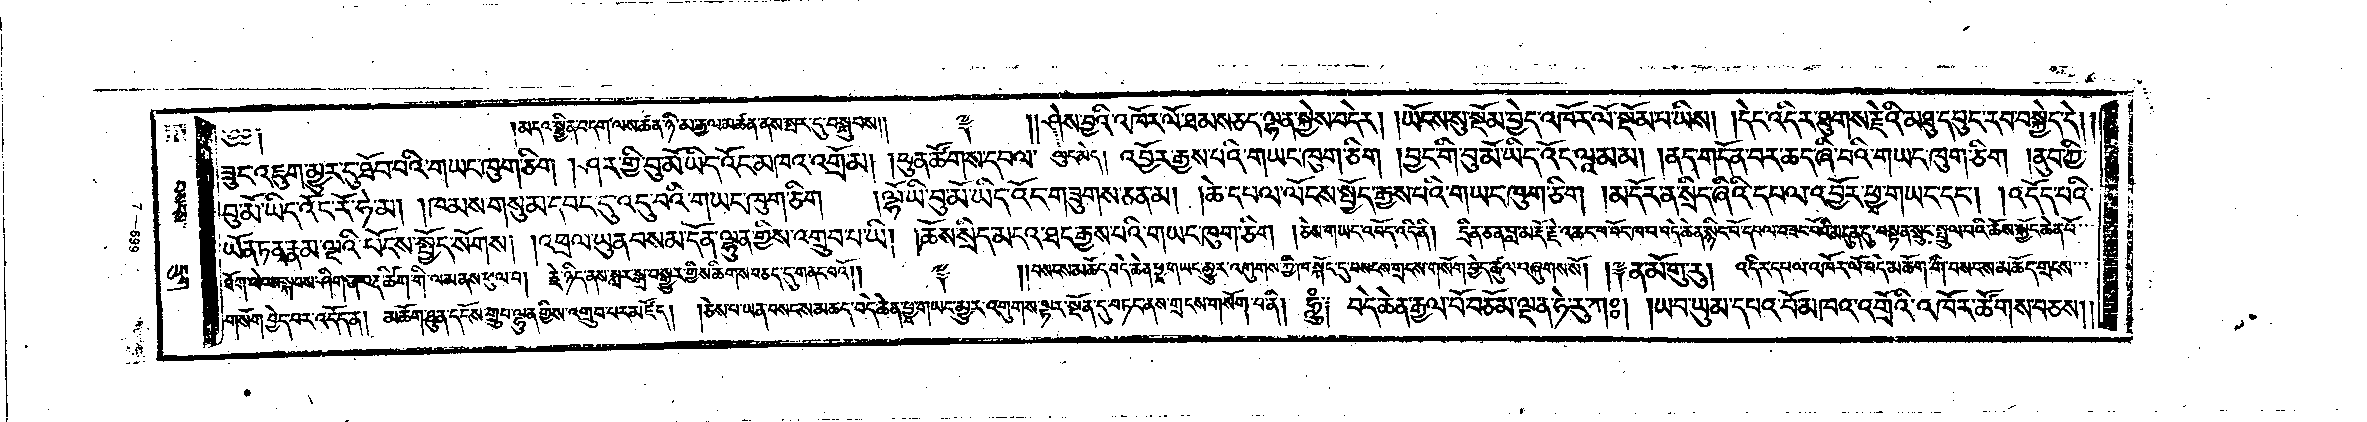༄༅། །མདའ་སྦྱིན་བདག་ལས་ཚན་ཉི་མ་རྒྱལ་མཚན་ནས་སྤར་དུ་བསྒྲུབས།། ༈ །། ལུང་མེད་ཤེས་བྱའི་འཁོར་ལོ་ཐམས་ཅད་ལྷན་སྐྱེས་བདེར། །ཡོངས་སུ་སྔོམ་བྱེད་འཁོར་ལོ་སྔོམ་བ་ཡིས། །དེང་འདིར་ཐུགས་རྗེའི་མཐུ་དཔུང་རབ་བསྐྱེད་དེ།།
ཟུང་འཇུག་མྱུར་དུ་ཐོབ་པའི་གཡང་ཁུག་ཅིག། །ཤར་གྱི་བུ་མོ་ཡིད་འོང་མཁའ་འགྲོ་མ། །ཕུན་ཚོགས་དཔལ་འབྱོར་རྒྱས་པའི་གཡང་ཁུག་ཅིག །བྱང་གི་བུ་མོ་ཡིད་འོང་ལ་མམ། །ནང་གདོན་བར་ཆད་ཞི་བའི་གཡང་ཁུག་ཅིག །ནུབ་ཀྱི་
བུ་མོ་ཡིད་འོང་རོ་ཧ་མ། །ཁམས་གསུམ་དབང་དུ་འདུ་པའི་གཡང་ཁུག་ཅིག །ལྷོ་ཡི་བུ་མོ་ཡིད་འོད་གཟུངས་ཅན་མ། །ཚེ་དཔལ་ལོངས་སྤྱོད་རྒྱས་པའི་གཡང་ཁུག་ཅིག །མདོར་ནི་སྲིད་ཞིའི་དཔལ་འབྱོར་ཕྱ་གཡང་དང་། །འདོད་པའི་
ཡོན་ཏན་རྣམ་ལྔག་ལོངས་སྤྱོད་སོགས། །འཕྲལ་ཡུན་བསམ་དོན་ལྷུན་གྱིས་འགྲུབ་པ་ཡི། །ཆོས་སྲིད་མངའ་ཐང་རྒྱས་པའི་གཡང་ཁུག་ཅིག །ཅེས་གཡང་འབོད་དི་ནི། །དྲིན་ན་ཟ་མ་རྡོ་རྗེ་འཆང་ཕ་བོང་ཁ་པ་བདེ་ཆེན་སྙིང་པོ་དཔལ་བཟང་པོ་མཚན་གཡང་བསྟན་སྲུང་སྤྲུལ་པའི་ཆོས་སྐྱོང་ཆེན་པོ་
ཐོག་འཕེབ་སྐབས་ཤིག་ཏུ་བརྡ་ཚིག་གི་ལམ་ནས་ཕུལ་བ། རྗེ་ཉིད་ནས་སླར་སྒ་བསྒྱུར་གྱི་ཚིགས་བཅད་དུ་གནང་བའོ།། ༈ །།བསངས་མཆད་བདེ་ཆེན་ཕྱག་གཡང་མྱུར་འགུགས་ཀྱི་ཁ་སྐོང་དུ་བསངས་གྲངས་གཡོག་བྱེད་ཚུལ་བཞུགས་སོ། །༈ ན་མོ་གུ་རུ། དི་དཔལ་འཁོར་ལོ་དེ་མཆོག་གི་བསངས་མཆོད་གྲགས་
གསོག་བྱེད་བར་འདོད་ན། །མཆོག་ཐུན་དངོས་གྲུབ་ལྷུང་ཡིས་འགྲུབ་པར་མཛོད། །ཅེས་བ་ཡན་བསངས་མཆད་བདེ་ཆེན་ཕྱག་ཡང་མྱུར་འགུགས་ལྟར་སྔོན་དུ་བཏང་ནས་གྲགས་གསོག་བ་ནི། ཧཱུཾ༑ བདེ་ཆེན་རྒྱལ་པོ་བཅོ་ལྡན་ཧེ་རུ་ཀཿ། །ཡབ་ཡུམ་དཔའ་བོ་མཁའ་འགྲོའི་འཁོར་ཚོགས་བཅས།།